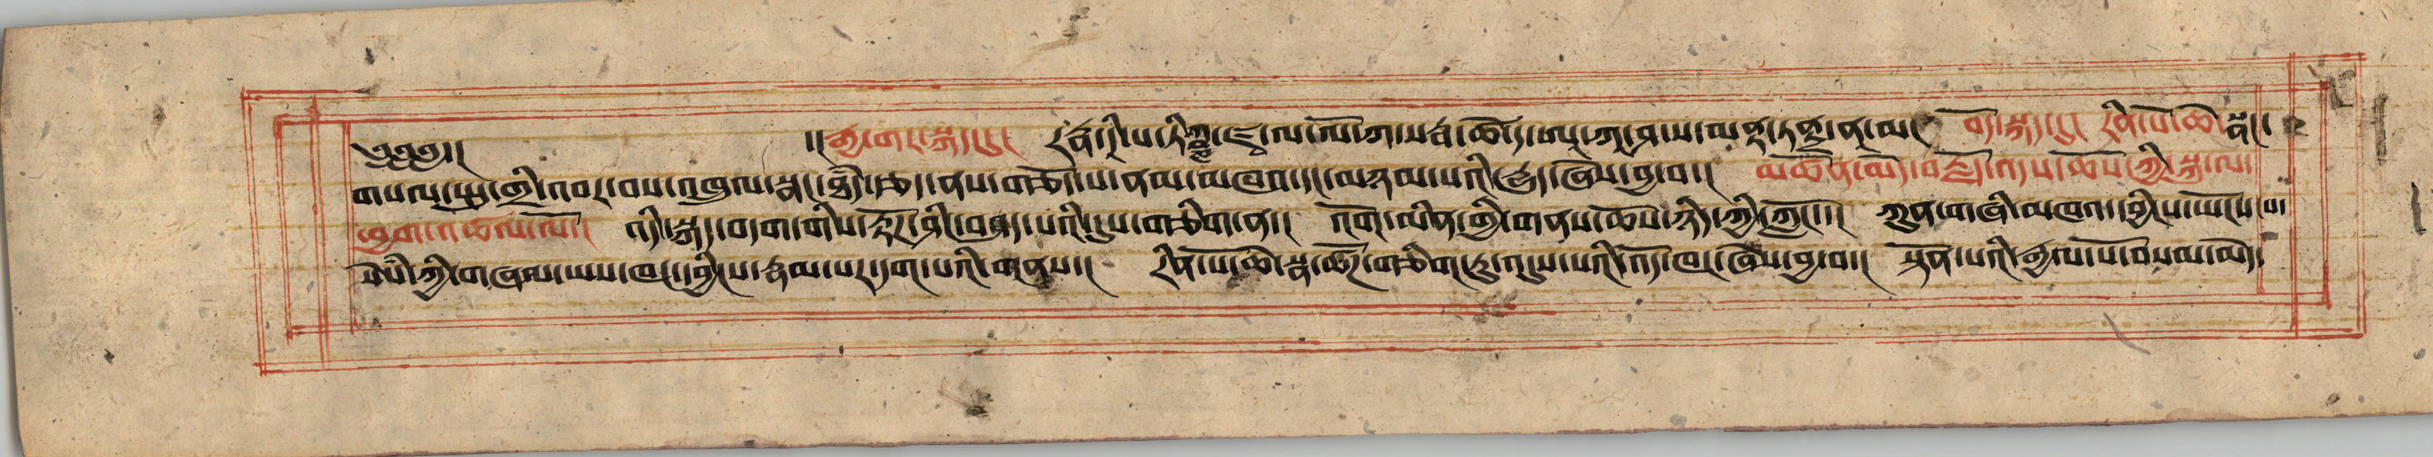༄༅༅་། ་།རྒྱ་གར་སྐད་དུ། རཏྣ་དཱི་པ་ཏིཀྵྞ་ཛྭ་ལ་ཨོ་ཀ་སརྦ་ཚེ་ད་ཨཱ་ཀཱ་ཤ་ས་མནྟ་ཏནྟྲ་ནཱ་མ་། བོད་སྐད་དུ། རིན་པོ་ཆེ་སྣང་
གསལ་སྤུ་གྲི་འབར་བས་འཁྲུལ་སྣང་ཐདཾ་རྩད་ནས་གཅོད་པ་ནམ་མཁའ་དང་མཉམ་པའི་དྱུད་ཞེས་བྱ་བ་། མཚོན་མེད་བརྗོད་འདས་ཆོས་ཀྱི་སྐུ་ལ་
ཕྱག་འཚལ་ལོ་། འདི་སྐད་བདག་གིས་རྟོཌ་ཤིང་བཤད་པའི་དུས་གཅིག་ན་། འོག་མིན་གྱི་གནས་ཆོས་ཉིད་ཀྱི་ཀློང་་། ཀུན་གཞི་མཁའ་དབྱིངས་ཡོངས་བ་
སེསཾ་ཀྱི་གཞལ་ཡས་ཁང་དབྱིངས་རྣམ་པར་དག་པའི་གནས་། རིན་པོ་ཆེ་སྣ་ཚོཌ་གཅིག་ཏུ་འདུས་པའི་འོད་ཁང་ཞེས་བྱ་བ་། སྟོན་པའི་རྒྱལ་པོ་བསམ་མེད་